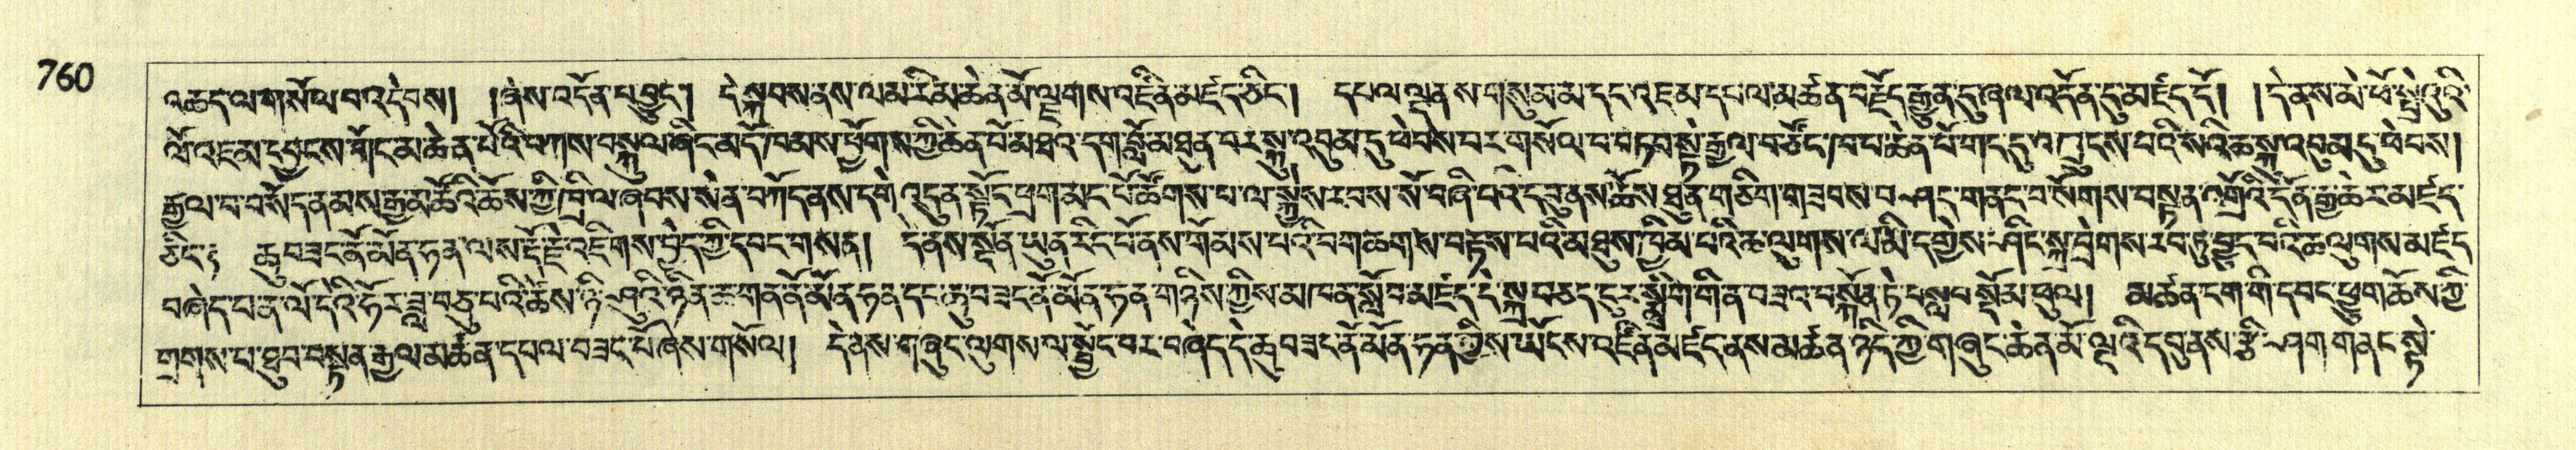འཆད་ལ་གསོལ་བ་འདེབས། །ཞེས་འདོན་པ་བྱུང་། དེ་སྐབས་ནས་ལམ་རིམ་ཆེན་མོ་ལྗགས་འཛིན་མཛད་ཅིང་། དཔལ་ལྡན་ས་གསུམ་མ་དང་འཇམ་དཔལ་མཚན་བརྗོད་རྒྱུན་དུ་ཞལ་འདོན་དུ་མཛད་དོ། །དེ་ནས་མེ་ཕོ་སྤྲེའུའི་
ལོ་འཇམ་དབྱངས་གོང་མ་ཆེན་པོའི་བཀས་བསྐུལ་ཞིང་མདོ་ཁམས་ཕྱོགས་ཀྱི་ཆེན་པོ་མཐའ་དག་བློ་མཐུན་བར་སྐུ་འབུམ་དུ་ཕེབས་བར་གསོལ་བ་བཏབ་སྟེ་རྒྱལ་བ་ཙོང་ཁ་པ་ཆེན་པོ་གང་དུ་འཁྲུངས་པའི་སའི་ཆ་སྐུ་འབུམ་དུ་ཕེབས།
རྒྱལ་བ་བསོད་ནམས་རྒྱ་མཚོའི་ཆོས་ཀྱི་ཁྲི་ལ་ཞབས་སེན་བཀོད་ནས་དགེ་འདུན་སྟོང་ཕྲག་མང་པོ་ཚོགས་པ་ལ་སྐྱེས་རབས་སོ་བཞི་བའི་དབུ་ནས་ཆོས་ཐུན་གཅིག་གཟབས་བཤད་གནང་བ་སོགས་བསྟན་འགྲོའི་དོན་རྒྱ་ཆེར་མཛད་
ཅིང༑ ཆུ་བཟང་ནོ་མོན་ཧན་ལས་རྡོ་རྗེ་འཇིགས་བྱེད་ཀྱི་དབང་གསན། དེ་ནས་སྔོན་ཡུན་རིང་པོ་ནས་གོམས་པའི་བག་ཆགས་བརྟས་པའི་མཐུས་ཁྱིམ་པའི་ཆ་ལུགས་ལ་མི་དགྱེས་ཤིང་སྐྲ་བྲེགས་རབ་ཏུ་བྱུང་བའི་ཆ་ལུགས་མཛད་
བཞེད་པ་ན་ལོ་དེའི་ཧོར་ཟླ་བཅུ་པའི་ཚེས་ཉི་ཤུའི་ཉིན་ཆ་གན་ནོ་མོན་ཧན་དང་ཆུ་བཟང་ནོ་མོན་ཧན་གཉིས་ཀྱིས་མཁན་སློབ་མཛད་དེ་སྐྲ་བཅད་ངུར་སྨྲིག་གི་ན་བཟའ་བསྐོན་ཏེ་བསླབ་སྡོམ་ཕུལ། མཚན་ངག་གི་དབང་ཕྱུག་ཆོས་ཀྱི་
གྲགས་པ་ཐུབ་བསྟན་རྒྱལ་མཚན་དཔལ་བཟང་པོ་ཞེས་གསོལ། དེ་ནས་གཞུང་ལུགས་ལ་སྦྱོང་བར་བཞེད་དེ་ཆུ་བཟང་ནོ་མོན་ཧན་གྱིས་ཡོངས་འཛིན་མཛད་ནས་མཚན་ཉིད་ཀྱི་གཞུང་ཆེན་མོ་ལྔའི་དབུ་ནས་རྩི་ཤག་གནང་སྟེ་